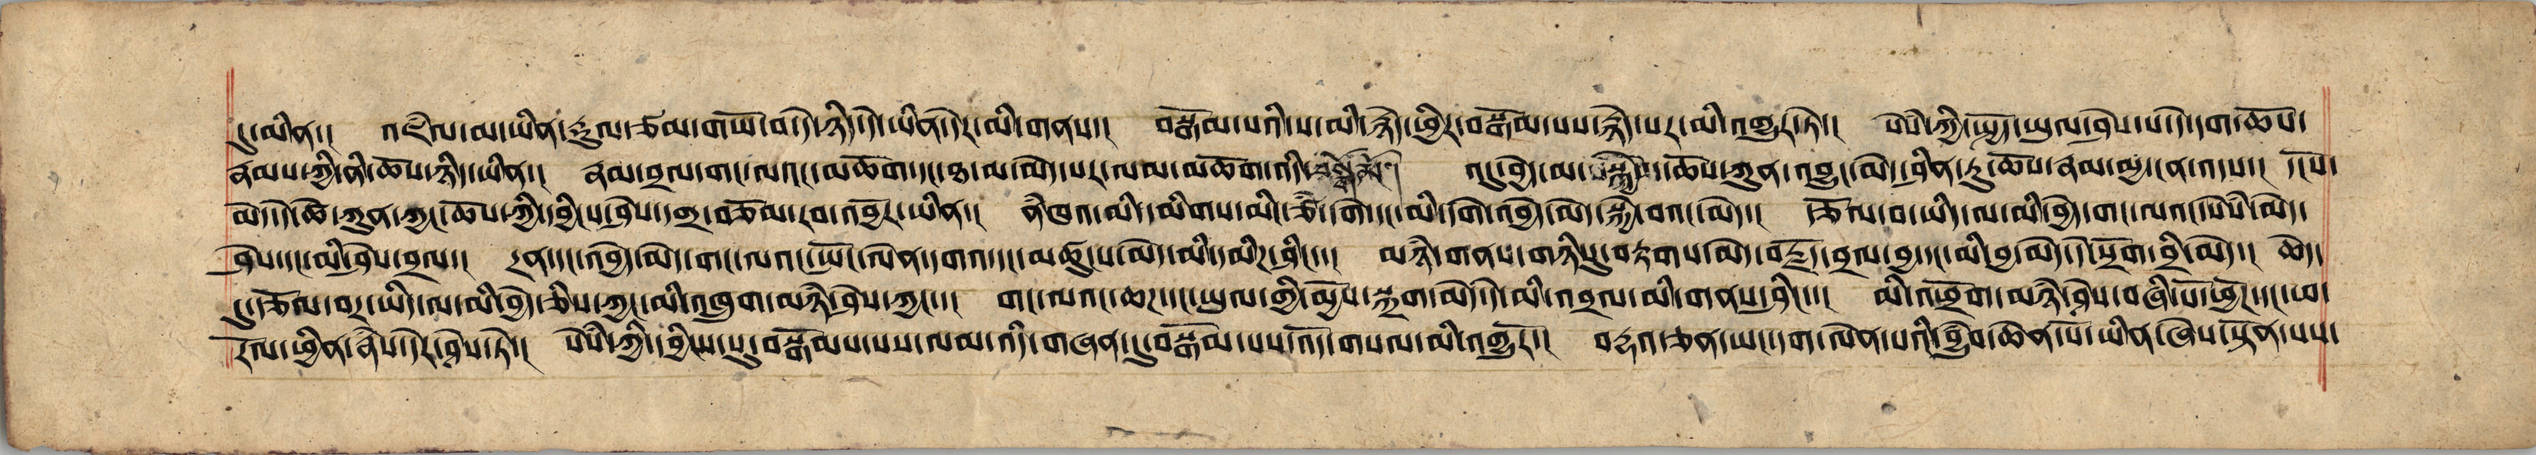དུ་མིན་། འཇཾལ་མ་ཡིན་རྡུལ་ཙམ་གཡོ་བ་དེ་ཉིད་དེ་ཡིན་དེར་མི་གནས་། བསྒོམ་པའི་ས་མི་རྙེད་ཕྱིར་བསྒོམ་པས་རྙེད་པར་མི་འགྱུར་ཏེ་། སེསཾ་ཀྱི་སྤྱོད་ཡུལ་ཤེས་པ་དེ་དག་ཆོས་
རྣམས་ཀྱི་ནི་ཆོས་ཉིད་ཡིན་། རྣམ་བྲལ་གང་ལའང་མཆོག་དང་ཐ་མ་མེད་པར་ལམ་མཆོག་འདི་བསྒོམོ་། འདུ་བྱེད་མ་སྐྱེས་ཆོས་ཀུན་འབྱུང་མེད་ཤིན་ཏུ་ཆོས་རྣམ་མྱ་ངན་འདས་། དངོས་
མེད་དེ་ཚེ་ཀུན་ཀྱང་ཆོས་ཀྱི་དབྱིངས་ཤེས་དགྲ་བཅོམ་རབ་འབྱོར་ཡིན་། ནཾཁའ་མི་དམིགས་མིང་ཙཾ་དགེ་དང་མི་དགེ་འབྱེད་མེད་སྐྱེ་བའང་མེད་། རྩོལ་བ་ཡིད་ལ་མི་བྱེད་གང་ལའང་སེསཾ་མེད་
ཤེས་དང་མི་ཤེས་བྲལ་། དྲན་དང་འབྱེད་མེད་གང་ལའང་སྤོང་ལེན་དགའ་དང་མཚུངས་མེད་མི་དམིཌ་ཤིང་་། མཉཾ་གནས་གཉིསུ་བརྟགས་མེད་བརྗོད་བྲལ་བྱ་དང་མི་བྱ་མེད་དེ་སྲོག་བྲི་མེད་། ཆེད་
དུ་རྩོམ་བར་ཡིད་ལ་མི་བྱེད་ཅིས་ཀྱང་མི་འཁྲུག་མཉཾ་ཤེས་ཀྱང་་། གང་ལའང་ཆཌ་དང་ཡུལ་གྱི་མྱོས་སྐྲག་མེད་དེ་མི་འབྲལ་མི་གནས་ཤིང་་། མི་འཕྲོག་མཉཾ་ཤེས་བཞི་པོ་ཕྱོཌ་དང་ཕ་
རོལ་ཕྱིན་རྣཾས་དེར་ཤེས་ཏེ་། སེཾས་ཀྱི་དབྱིངས་སུ་བསྒོམས་པས་ལམ་འདི་གཞན་དུ་བསྒོམ་པས་འོད་གསལ་མི་འགྱུརོ་། བརྡའ་ཅན་ཡང་དག་ལེན་པའི་བྱུཾབ་ཆེན་པོ་ཡིན་ཞེས་སྟོན་པས་